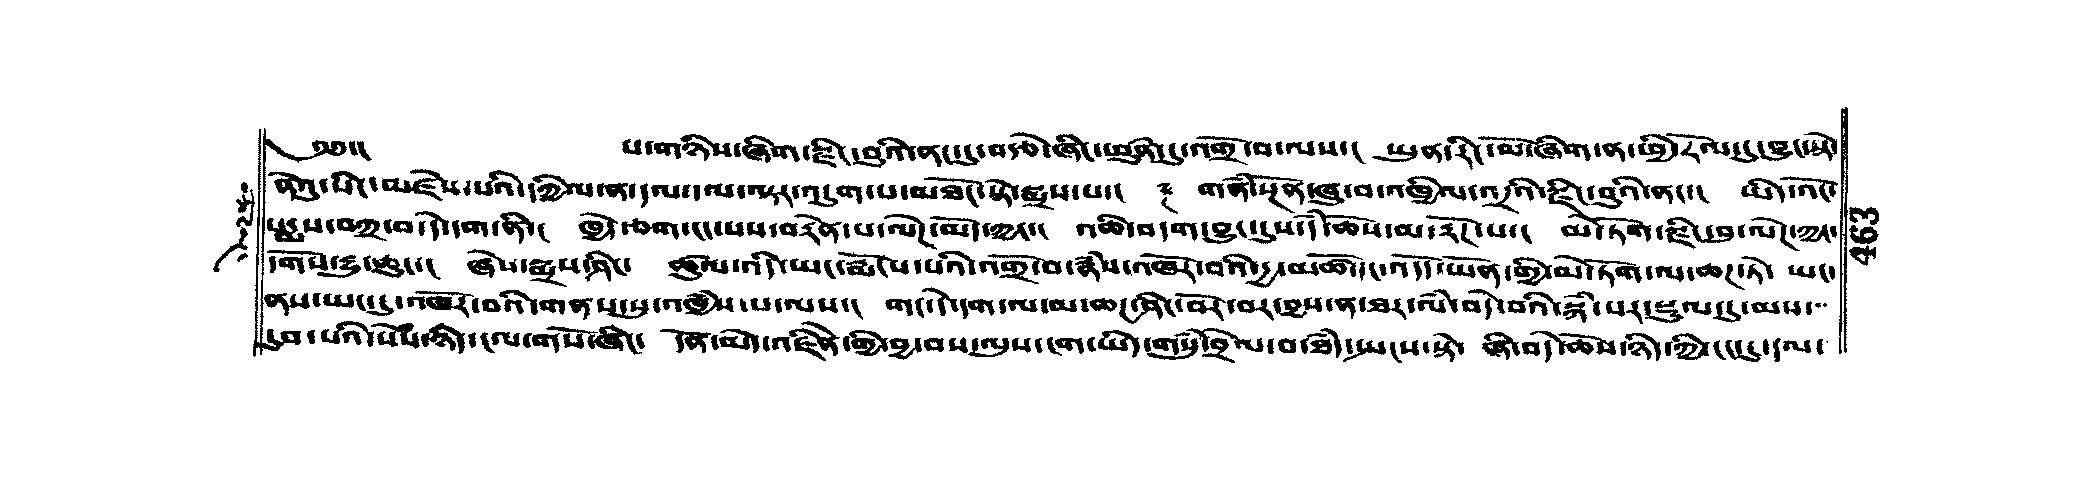པ་གཉིས་ཞིག་རྗིང་བུའི་ནང་དུ་བརྩེ་ཞིང་ཕན་ཚུན་དུ་འགྲོ་བ་ལས།ཡུན་རིང་མོ་ཞིག་ན་ཕྱི་རོལ་དུ་བྱུང་སྟེ་
ནེའུ་སིང་མཛེས་པའི་དཀྱིལ་ན་དལ་དལ་ལྟར་འདུག་པ་མཐོང་སྟེ་སྨྲས་པ། གནམ་སྔོན་ཞུ་བ་འཁྱིལ་འདྲའི་རྫིང་བུའི་ནང་། །ཡིད་འོང་
པདྨས་བཀྲ་བ་དེ་དག་ནི། །ཁྱེད་ཅག་ངང་པས་བརྟེན་པ་ལེགས་མོད་ཀྱང་། །འཆི་བདག་བྱུང་དུས་དམ་ཆོས་མ་རྟོགས་པ། །མེ་ཏོག་རྫིང་བུ་ལེགས་ཀྱང་
དགོས་རྒྱུ་ཆུང་། ཞེས་སྨྲས་ཤིང་། ཚུལ་འདི་ཡང་རྨོངས་པའི་འགྲོ་བ་རྣམས་འཁོར་བའི་རྒྱ་མཚོ་དང་འདོད་ཡོན་གྱི་མེ་ཏོག་ལ་ཆགས་ཏེ། ཡང་
ནས་ཡང་དུ་འཁོར་བའི་གནས་སུ་འཁྱམས་པ་ལས། གང་དེ་དག་ལ་མ་ཆགས་ཤིང་བོར་བར་བྱས་ན་ཐར་ལམ་བདེ་བའི་སྐམ་སར་སྡུག་བསྔལ་དུ་མས་
དུབ་པའི་སེམས་ཉིད་ངལ་གསོ་ཞིང་། དོན་མེད་འཇིག་རྟེན་གྱི་བྱ་བས་ལུས་ངག་ཡིད་གསུམ་བྲེལ་བ་ཐམས་ཅད་སྤངས་སྟེ། ཞི་བདེ་ཆོས་ཉིད་ཀྱི་ངང་དུ་དལ་